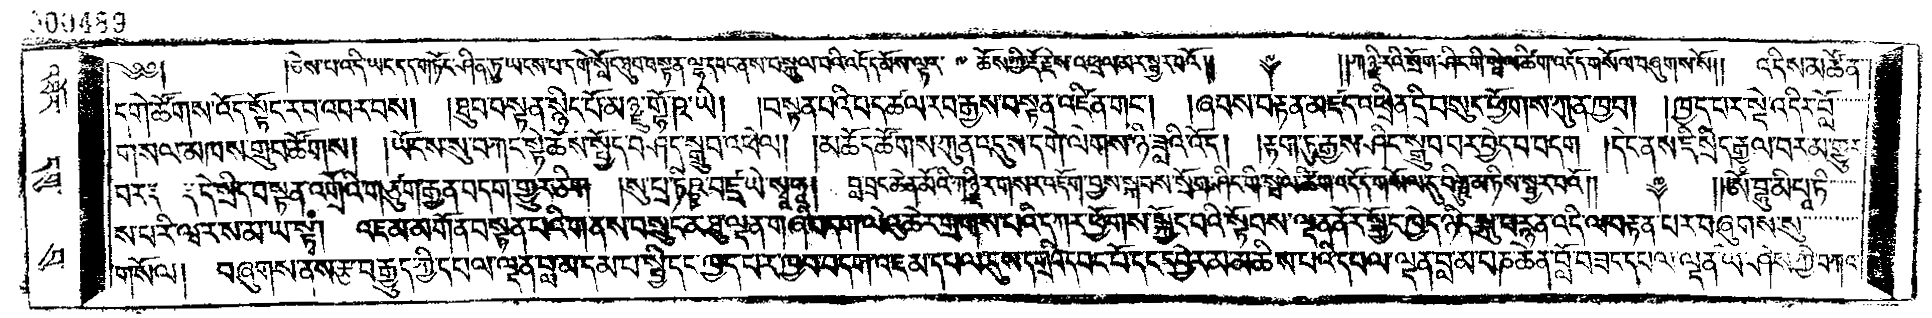༄༅། ། ཅེས་པ་འདི་ཡང་དད་གཏོང་ཤིན་ཏུ་ཡངས་པ་དགེ་སློང་ཐུབ་བསྟན་ལྷ་དབང་ནས་བསྐུལ་བའི་འདོད་མོས་ལྟར་༧་ཆོས་ཀྱི་རྡོ་རྗེས་འཕྲལ་མར་སྦྱར་བའོ།། ༈ །།ཀཉྫི་རའི་སྲོག་ཤིང་གི་སྤེལ་ཚིག་འདོད་གསོལ་བཞུགས་སོ།།  འདིས་མཚོན་
དགེ་ཚོགས་འོད་སྟོང་རབ་འབར་བས། །ཐུབ་བསྟན་སྙིང་པོ་མཉྫུ་གྷོ་ཥ་ཡི། །བསྟན་པའི་པད་ཚལ་རབ་རྒྱས་བསྟན་འཛིན་གང་། །ཞབས་བརྟན་མཛད་འཕྲིན་དྲི་བསུང་ཕྱོགས་ཀུན་ཁྱབ། །ཁྱད་པར་སྡེ་འདིར་བློ་
གསལ་མཁས་གྲུབ་ཚོགས། །ཡོངས་སུ་བཀང་སྟེ་ཆོས་སྤྱོད་བཤད་སྒྲུབ་འཕེལ། །མཆོད་ཚོགས་ཀུན་འདུས་དགེ་ལེགས་ཉི་ཟླའི་འོད། །རྟག་ཏུ་རྒྱས་ཤིང་སྒྲུབ་པར་བྱེད་པ་བདག །དེང་ནས་ཇི་སྲིད་རྒྱལ་བར་མ་གྱུར་
བར༑ ༑དེ་སྲིད་བསྟན་འགྲོའི་གཙུག་རྒྱན་བདག་གྱུར་ཅིག །སུ་པྲ་ཏིཥཊཿཨ་བཛྲ་ཡེ་སྭཱཧཱ། བླ་བྲང་ཆེན་མོའི་ཀཉྫིར་གསར་འཇོག་བྱས་སྐབས་སྲོག་ཤིང་གི་སྤེལ་ཚིག་འདོད་གསོལ་དུ་བིཀྵུ་མ་ཏིས་སྦྱར་བའོ།།  ༈ །།ཨོཾ་བྷུ་མི་པཱ་ཏི་
ས་པ་རི་ཝ་ར་ས་མ་ཡ་སྟྭཾ། འཇམ་མགོན་བསྟན་པའི་གནས་བསྲུང་མཐུ་ལྡན་གཞི་བདག་ལེའུ་ཆེར་གྲགས་པའི་དཀར་ཕྱོགས་སྐྱོང་བའི་སྟོབས་ལྡན་ནོར་སྐྱོང་ཁྱེད་ཉིད་སྐུ་བརྙན་འདི་ལ་བརྟན་པར་བཞུགས་སུ་
གསོལ། བཞུགས་ནས་རྩ་བརྒྱུད་ཀྱི་དཔལ་ལྡན་བླ་མ་དམ་པ་སྤྱི་དང་ཁྱད་པར་ཁྱབ་བདག་འཇམ་དཔལ་དུས་དགྲའི་དབང་པོ་དང་དབྱེར་མ་མཆིས་པའི་དཔལ་ལྡན་བླ་མ་པཎ་ཆེན་བློ་བཟང་དཔལ་ལྡན་ཡེ་ཤེས་ཀྱི་བཀའ་